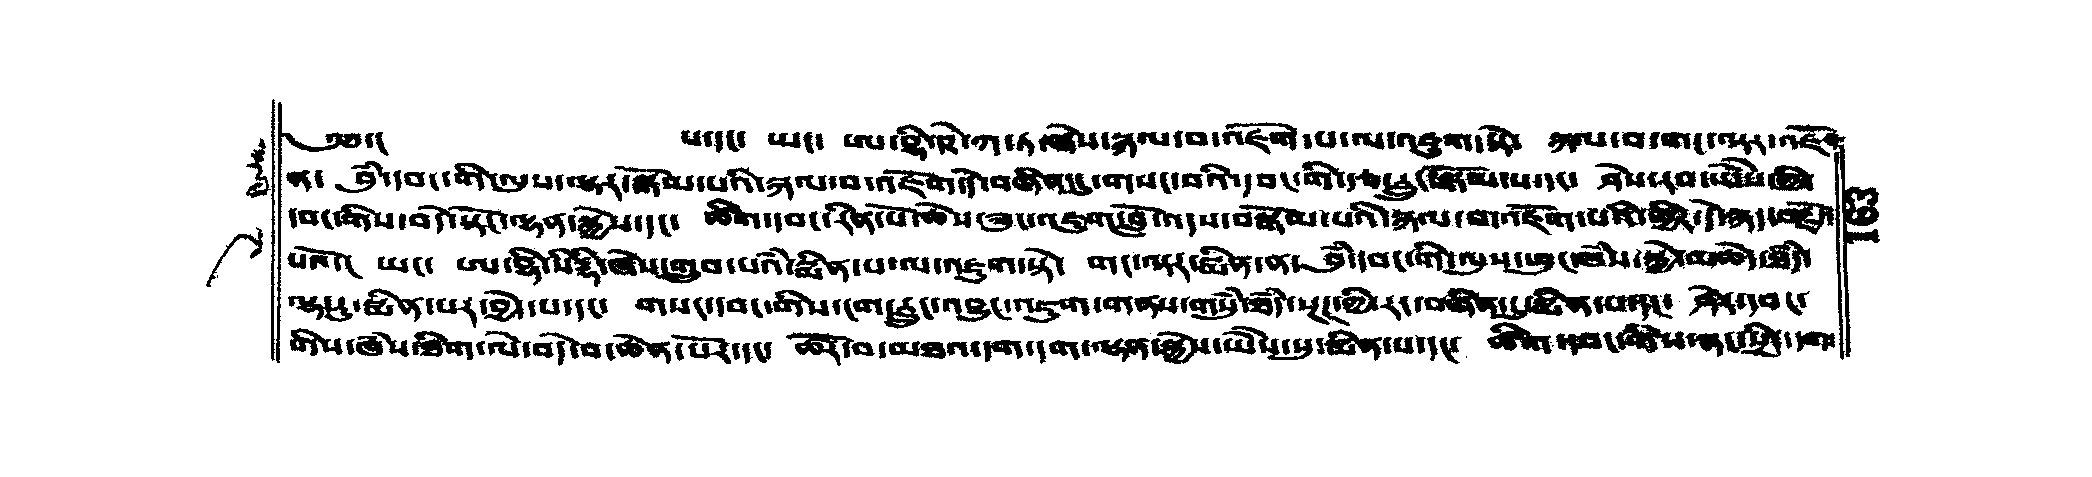པ་དང་། ཡང་། ཨ་བྷི་རེ་ཀ་ཏ་ཞེས་སྐལ་བ་འཇོག་པ་ལ་འཇུག་སྟེ། སྐལ་བ་གང་ལྟར་འཇོག་
ན།བུམ་དབང་གི་ལུས་ལྷར་སྒོམ་པའི་སྐལ་བ་འཇོག དེ་བཞིན་དུ་གསང་བའི་དབང་གི་རྩ་རླུང་སྒོམ་པ་དང་། ཤེས་རབ་ཡེ་ཤེས་ཀྱི་
དབང་གིས་བདེ་སྟོང་ལྷན་སྐྱེས་དང་། ཚིག་དབང་རིན་པོ་ཆེས་ཟུང་འཇུག་བློ་འདས་བསྒོམ་པའི་སྐལ་བ་འཇོག་པའི་ཕྱིར་དེ་སྐད་བརྗོད་
པའོ། ཡང་། ཨ་བྷི་སིདྡྷི་ཞེས་གྲུབ་པའམ་སྨིན་པ་ལ་འཇུག་སྟེ། གང་ལྟར་སྨིན་ན། བུམ་དབང་གི་ལུས་ཕུང་ཁམས་སྐྱེ་མཆེད་ཐམས་ཅད་
ལྷ་རུ་སྨིན་པར་བྱེད་པ་དང་། གསང་དབང་གིས་ངག་རླུང་འབྱུང་འཇུག་གནས་གསུམ་ཐམས་ཅད་སྔགས་ཀྱི་རང་བཞིན་དུ་སྨིན་པ་དང་། ཤེར་དབང་
གིས་ཁམས་ཐིག་ལེ་བདེ་བ་ཆེན་པོར་དང་། ཚོར་བ་མཐའ་དག་ལྷན་སྐྱེས་ཡེ་ཤེས་སུ་སྨིན་པ་དང་། ཚིག་དབང་གིས་སྣང་སྲིད་དག་